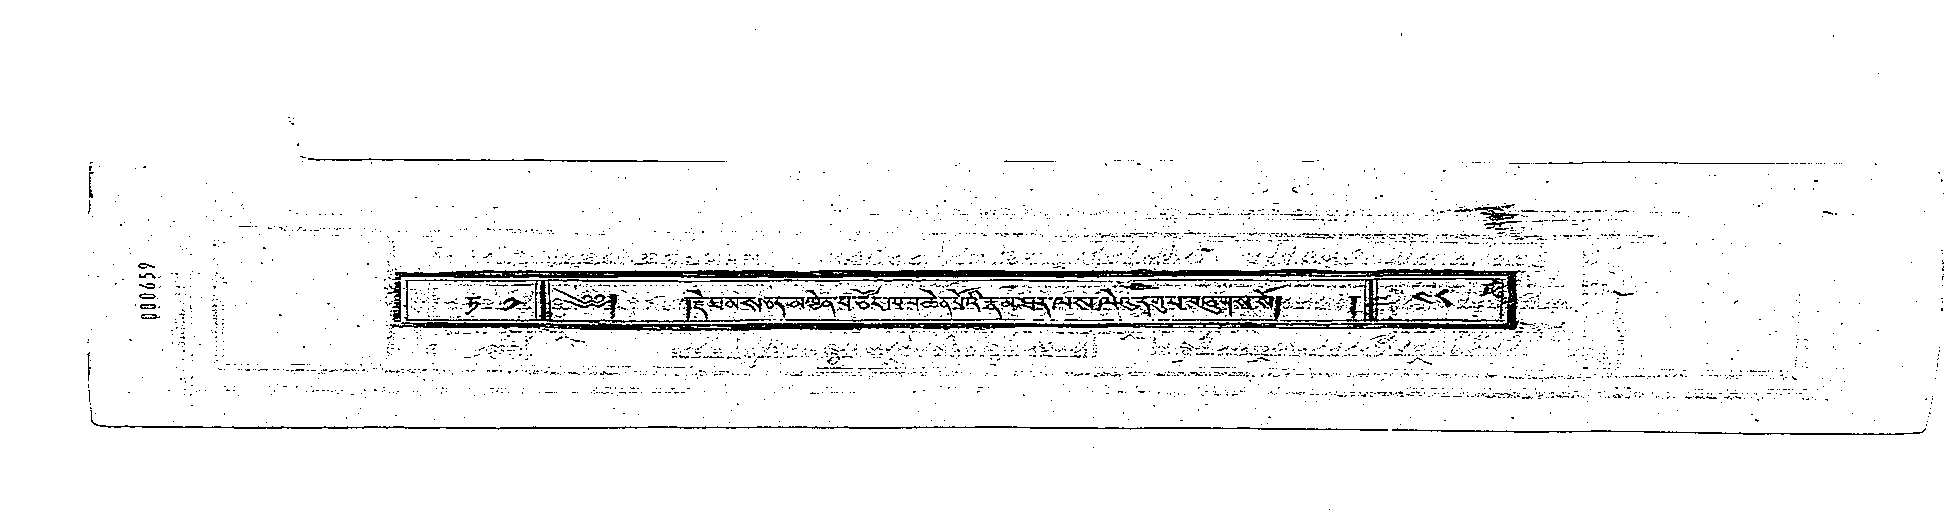ཁ༩?
༄༅། །རྗེ་ཐམས་ཅད་མཁྱེན་པ་ཙོང་ཁ་པ་ཆེན་པོའི་རྣམ་ཐར་ལས་ལེའུ་དགུ་པ་བཞུགས་སོ། །